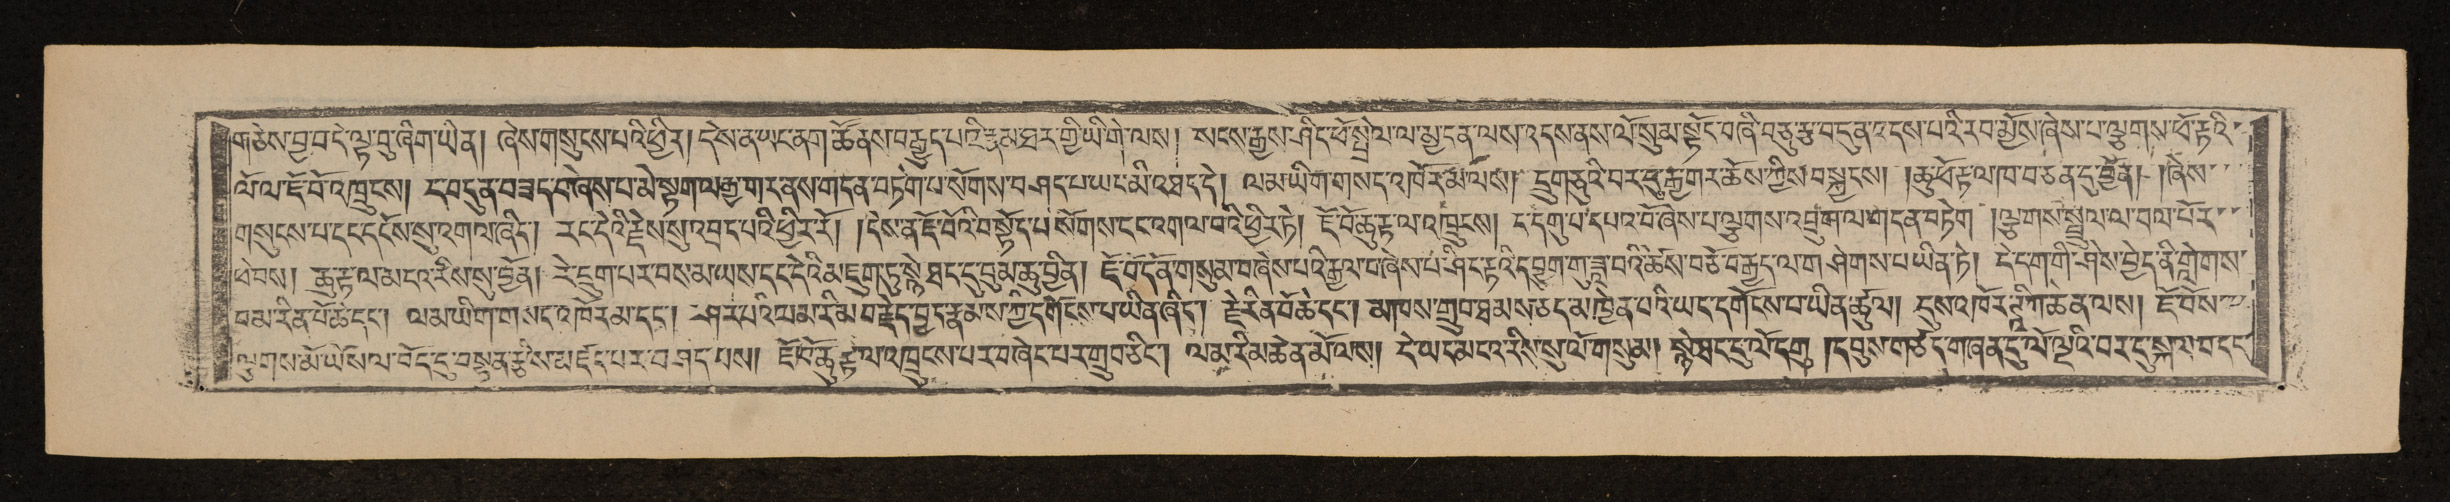གཅེས་བྱ་བ་དེ་ལྟ་བུ་ཞིག་ཡིན། ཞེས་གསུངས་པའི་ཕྱིར། དེས་ན་ཡང་ནག་ཚོ་ནས་བརྒྱུད་པའི་རྣམ་ཐར་གྱི་ཡི་གེ་ལས། སངས་རྒྱས་ཤིང་ཕོ་སྤྲེལ་ལ་མྱ་ངན་ལས་འདས་ནས་ལོ་སུམ་སྟོང་བཞི་བཅུ་རྩ་བདུན་འདས་བའི་རབ་མྱོས་ཞེས་པ་ལྕགས་ཕོ་རྟའི་
ལོ་ལ་ཇོ་བོ་འཁྲུངས། ང་བདུན་པ་ཟད་པ་ཞེས་པ་མེ་སྟག་ལ་རྒྱ་གར་ནས་གདན་བཏེག་པ་སོགས་བཤད་པ་ཡང་མི་འཐད་དེ། ལམ་ཡིག་གསང་འཁོར་མ་ལས། དྲུག་ཅུའི་བར་དུ་རྒྱ་གར་ཆོས་ཀྱིས་བསྐྱངས། །ཆུ་ཕོ་རྟ་ལ་ཁ་བ་ཅན་དུ་བྱོན། །ཞེས་
གསུངས་པ་དང་དངོས་སུ་འགལ་ཞིང་། རང་དེའི་རྗེས་སུ་འབྲང་བའི་ཕྱིར་རོ། །དེས་ན་ཇོ་བོའི་བསྟོད་པ་སོགས་དང་འགལ་བའི་ཕྱིར་ཏེ། ཇོ་བོ་ཆུ་རྟ་ལ་འཁྲུངས། ང་དགུ་པ་དཔའ་བོ་ཞེས་པ་ལྕགས་འབྲུག་ལ་གདན་བཏེག །ལྕགས་སྤྲུལ་ལ་བལ་པོར་
ཕེབས། ཆུ་རྟ་ལ་མངའ་རིས་སུ་བྱོན། རེ་དྲུག་པར་བསམ་ཡས་དང་དེའི་མཇུག་ཏུ་སྙེ་ཐང་དུ་བུམ་ཆུ་བྱིན། ཇོ་བོ་དོན་གསུམ་བཞེས་པའི་རྒྱལ་བ་ཞེས་པ་ཤིང་རྟའི་དབྱུག་གུ་ཟླ་བའི་ཚེས་བཅོ་བརྒྱད་ལ་གཤེགས་པ་ཡིན་ཏེ། དེ་དག་གི་ཤེས་བྱེད་ནི་གླེགས་
བམ་རིན་པོ་ཆེ་དང་། ལམ་ཡིག་གསང་འཁོར་མ་དང་། ཤར་བའི་ལམ་རིམ་བརྗེད་བྱང་རྣམས་ཀྱི་དགོངས་པ་ཡིན་ཞིང་། རྗེ་རིན་པོ་ཆེ་དང་། མཁས་གྲུབ་ཐམས་ཅད་མཁྱེན་པའི་ཡང་དགོངས་པ་ཡིན་ཚུལ། དུས་འཁོར་ཊཱིཀ་ཆེན་ལས། ཇོ་བོས་
ལྕགས་མོ་ཡོས་ལ་བོད་དུ་བསྟན་རྩིས་མཛད་པར་བཤད་པས། ཇོ་བོ་ཆུ་རྟ་ལ་འཁྲུངས་པར་བཞེད་པར་གྲུབ་ཅིང་། ལམ་རིམ་ཆེན་མོ་ལས། དེ་ཡང་མངའ་རིས་སུ་ལོ་གསུམ། སྙེ་ཐང་དུ་ལོ་དགུ །དབུས་གཙང་གཞན་དུ་ལོ་ལྔའི་བར་དུ་སྐལ་བ་དང་